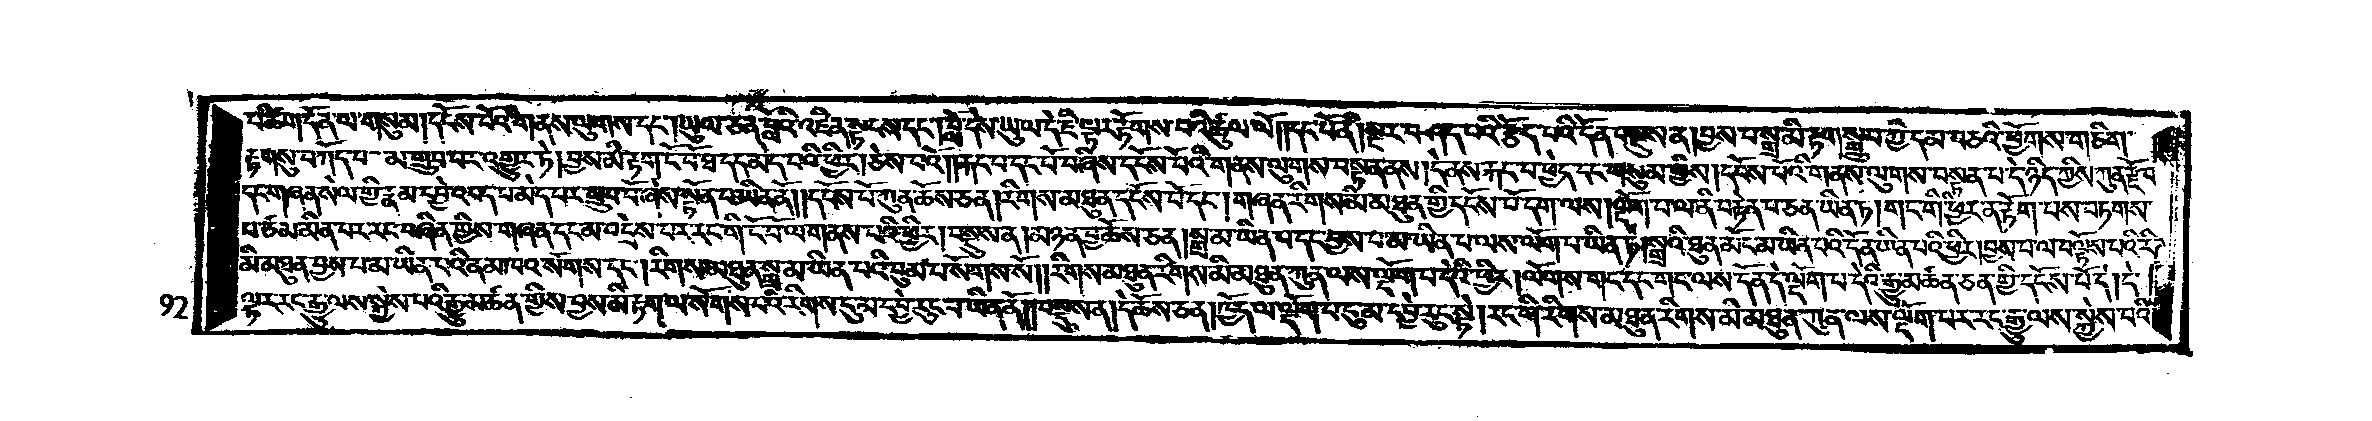པ་ཚིག་དོན་ལ་གསུམ། དངོས་པོའི་གནས་ལུགས་དང་། ཡུལ་ཅན་བློའི་འཛིན་སྟངས་དང་། བློ་དེས་ཡུལ་དེ་ཇི་ལྟར་རྟོགས་པའི་ཚུལ་ལོ། །དང་པོ་ནི། སྔར་བཤད་པའི་རྩོད་པའི་དོན་བསྡུས་ན། བྱས་པ་སྒྲ་མི་རྟག་སྒྲུབ་ཀྱི་དམ་བཅའི་ཕྱོགས་གཅིག་
རྟགས་སུ་བཀོད་པ་མ་གྲུབ་པར་འགྱུར་ཏེ། བྱས་མི་རྟག་ངོ་བོ་ཐ་དད་མེད་པའི་ཕྱིར། ཅེས་པའོ། །རྐང་པ་དང་པོ་བཞིས་དངོས་པོའི་གནས་ལུགས་བསྟན་ནས། དེ་ནས་རྐང་པ་ཕྱེད་དང་གསུམ་གྱིས། དངོས་པོའི་གནས་ལུགས་བསྟན་པ་དེ་ཉིད་ཀྱིས་ཀུན་རྫོབ་
དང་གཞན་སེལ་གྱི་རྣམ་དབྱེ་འབད་པ་མེད་པར་གྲུབ་བོ་ཞེས་སྟོན་པ་ཡིན་ནོ། །དངོས་པོ་ཀུན་ཆོས་ཅན། རིགས་མཐུན་དངོས་པོ་དང་། གཞན་རིགས་མི་མཐུན་གྱི་དངོས་པོ་དག་ལས། ལྡོག་པ་ལ་ནི་བརྟེན་པ་ཅན་ཡིན་ཏེ། གང་གི་ཕྱིར་ན་རྟོག་པས་བཏགས་
པ་ཙམ་མིན་པར་རང་བཞིན་གྱིས་གཞན་དང་མ་འདྲེས་པར་རང་གི་ངོ་བོ་ལ་གནས་པའི་ཕྱིར། བསྡུས་ན། མཉན་བྱ་ཆོས་ཅན། སྒྲ་མ་ཡིན་པ་དང་བྱས་པ་མ་ཡིན་པ་ལས་ལོག་པ་ཡིན་ཏེ། སྒྲའི་ཐུན་མོང་མ་ཡིན་པའི་དོན་ཡིན་པའི་ཕྱིར། བྱས་པ་ལ་བལྟོས་པའི་རིཌ་?
མི་མཐུན་བྱས་པ་མ་ཡིན་པའི་ནམ་མཁའ་སོགས་དང་། རིགས་མཐུན་སྒྲ་མ་ཡིན་པའི་བུམ་པ་སོགས་སོ། །རིགས་མཐུན་རིགས་མི་མཐུན་ཀུན་ལས་ལྡོག་པ་དེའི་ཕྱིར། ལོགས་གང་དང་གང་ལས་དོན་དེ་ལྡོག་པ་དེའི་རྒྱུ་མཚན་ཅན་གྱི་དངོས་པོ་དེ། དེ་
ལྟར་རང་རྒྱུ་ལས་སྐྱེས་པའི་རྒྱུ་མཚན་གྱིས་བྱས་མི་རྟག་ལ་སོགས་པའི་རིགས་དུ་མ་དབྱེ་རུང་བ་ཡིན་ནོ། །བསྡུས་ན། དེ་ཆོས་ཅན། ཁྱོད་ལ་ལྡོག་པ་དུ་མ་དབྱེ་རུང་སྟེ། རང་གི་རིགས་མཐུན་རིགས་མི་མཐུན་ཀུན་ལས་ལྡོག་པར་རང་རྒྱུ་ལས་སྐྱེས་པའི་